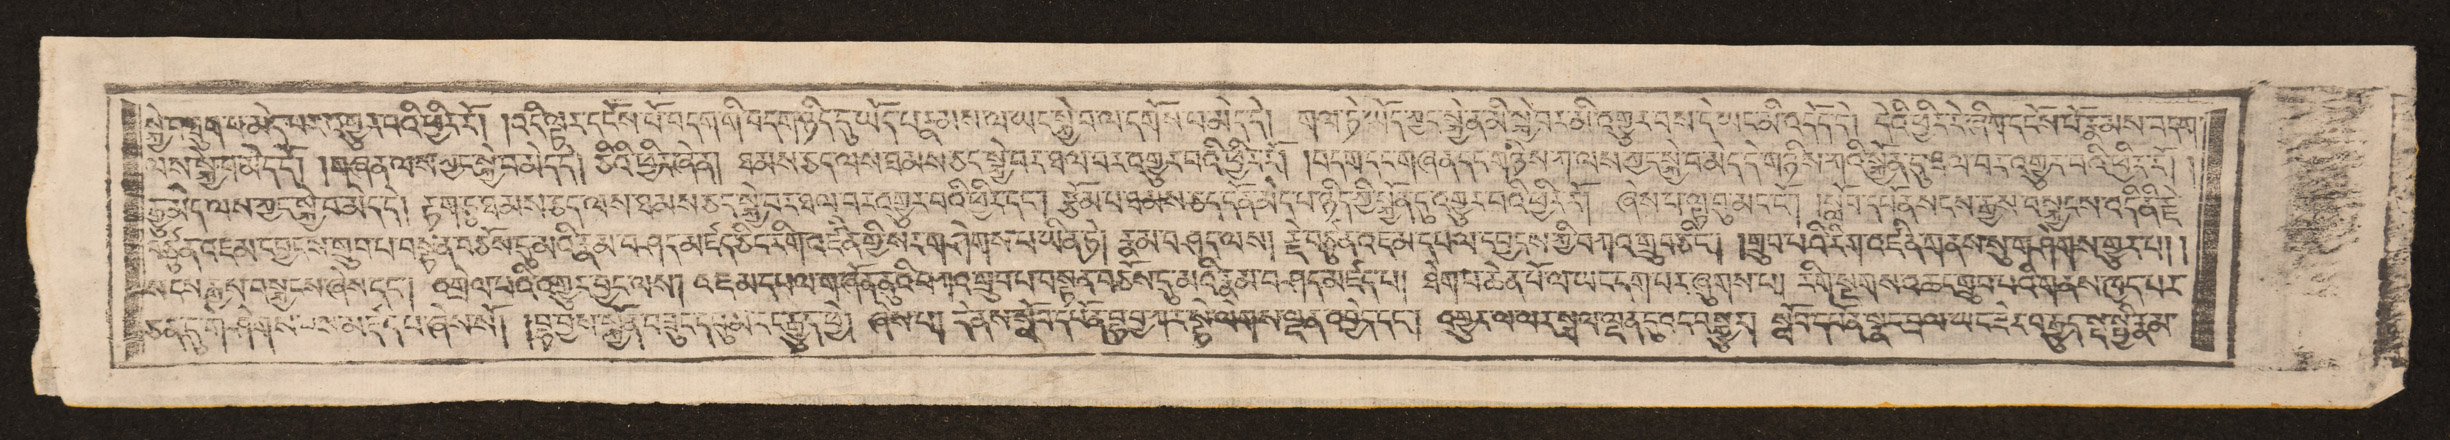སྐྱེ་བ་ཐུག་པ་མེད་པར་འགྱུར་བའི་ཕྱིར་རོ། །འདི་ལྟར་དངོས་པོ་བདག་གི་བདག་ཉིད་དུ་ཡོད་པ་རྣམས་ལ་ཡང་སྐྱེ་བ་ལ་དགོས་པ་མེད་དེ། གལ་ཏེ་ཡོད་ཀྱང་སྐྱེ་ན་མི་སྐྱེ་བར་མི་འགྱུར་བས་དེ་ཡང་མི་འདོད་དེ། དེའི་ཕྱིར་རེ་ཞིག་དངོས་པོ་རྣམས་བདག་
ལས་སྐྱེ་བ་མེད་དོ། །གཞན་ལས་ཀྱང་སྐྱེ་བ་མེད་དེ། ཅིའི་ཕྱིར་ཞེན། ཐམས་ཅད་ལས་ཐམས་ཅད་སྐྱེ་བར་ཐལ་པར་འགྱུར་པའི་ཕྱིར་རོ། །བདག་དང་གཞན་དང་གཉིས་ཀ་ལས་ཀྱང་སྐྱེ་བ་མེད་དེ་གཉིས་ཀའི་སྐྱོན་དུ་བྲལ་བར་འགྱུར་བའི་ཕྱིར་རོ། །
རྒྱུ་མེད་ལས་ཀྱང་སྐྱེ་བ་མེད་དེ། རྟག་ཏུ་ཐམས་ཅད་ལས་ཐམས་ཅད་སྐྱེ་བར་ཐལ་བར་འགྱུར་བའི་ཕྱིར་དང་། རྩོམ་པ་ཐམས་ཅད་དོན་མེད་པ་ཉིད་ཀྱི་སྐྱོན་དུ་འགྱུར་བའི་ཕྱིར་རོ། ཞེས་པ་ལྟ་བུ་མང་ངོ། །སློབ་དཔོན་སངས་རྒྱས་བསྐྱངས་འདི་ནི་རྗེ་
བཙུན་འཇམ་དབྱངས་གྲུབ་པ་བསྟན་བཅོས་དུ་མའི་རྣམ་བཤད་མཛད་ཅིང་རིག་འཛིན་གྱི་སར་གཤེགས་པ་ཡིན་ཏེ། རྣམ་བཤད་ལས། རྗེ་བཙུན་འཇམ་དཔལ་དབྱངས་ཀྱི་བཀའ་གྲུབ་ཅིང་། །གྲུབ་པའི་རིག་འཛིན་གནས་སུ་གཤེགས་གྱུར་པ། །
སངས་རྒྱས་བསྐྱངས་ཞེས་དང་། འགྲེལ་པའི་འགྱུར་བྱང་ལས། འཇམ་དཔལ་གཞོན་ནུའི་བཀའ་རྒུབ་པ་བསྟན་བཅོས་དུ་མའི་རྣམ་བཤད་མཛད་པ། ཐེག་པ་ཆེན་པོ་ལ་ཡང་དག་པར་ཞུགས་པ། རིག་སྔགས་འཆང་གྲུབ་པའི་གནས་ཁྱད་པར་
ཅན་དུ་གཤེགས་པས་མཛད་པ་ཞེས་སོ། །བྷ་བྱས་སྐྱོན་བཟུང་དབུ་མ་དང་རྒྱུད་ཕྱེ། ཞེས་པ། དེ་ནས་སློབ་དཔོན་བྷ་བྱ་ཀར་སྟེ་ལེགས་ལྡན་འཕྱེད་དང་། འགྱུར་ལ་ལར་སྐལ་ལྡན་དུའང་བསྒྱར། སློབ་དཔོན་སྣང་བྲལ་ཡང་ཇེར་བརྒྱུད་སྡེ་སྤྱི་རྣམ་